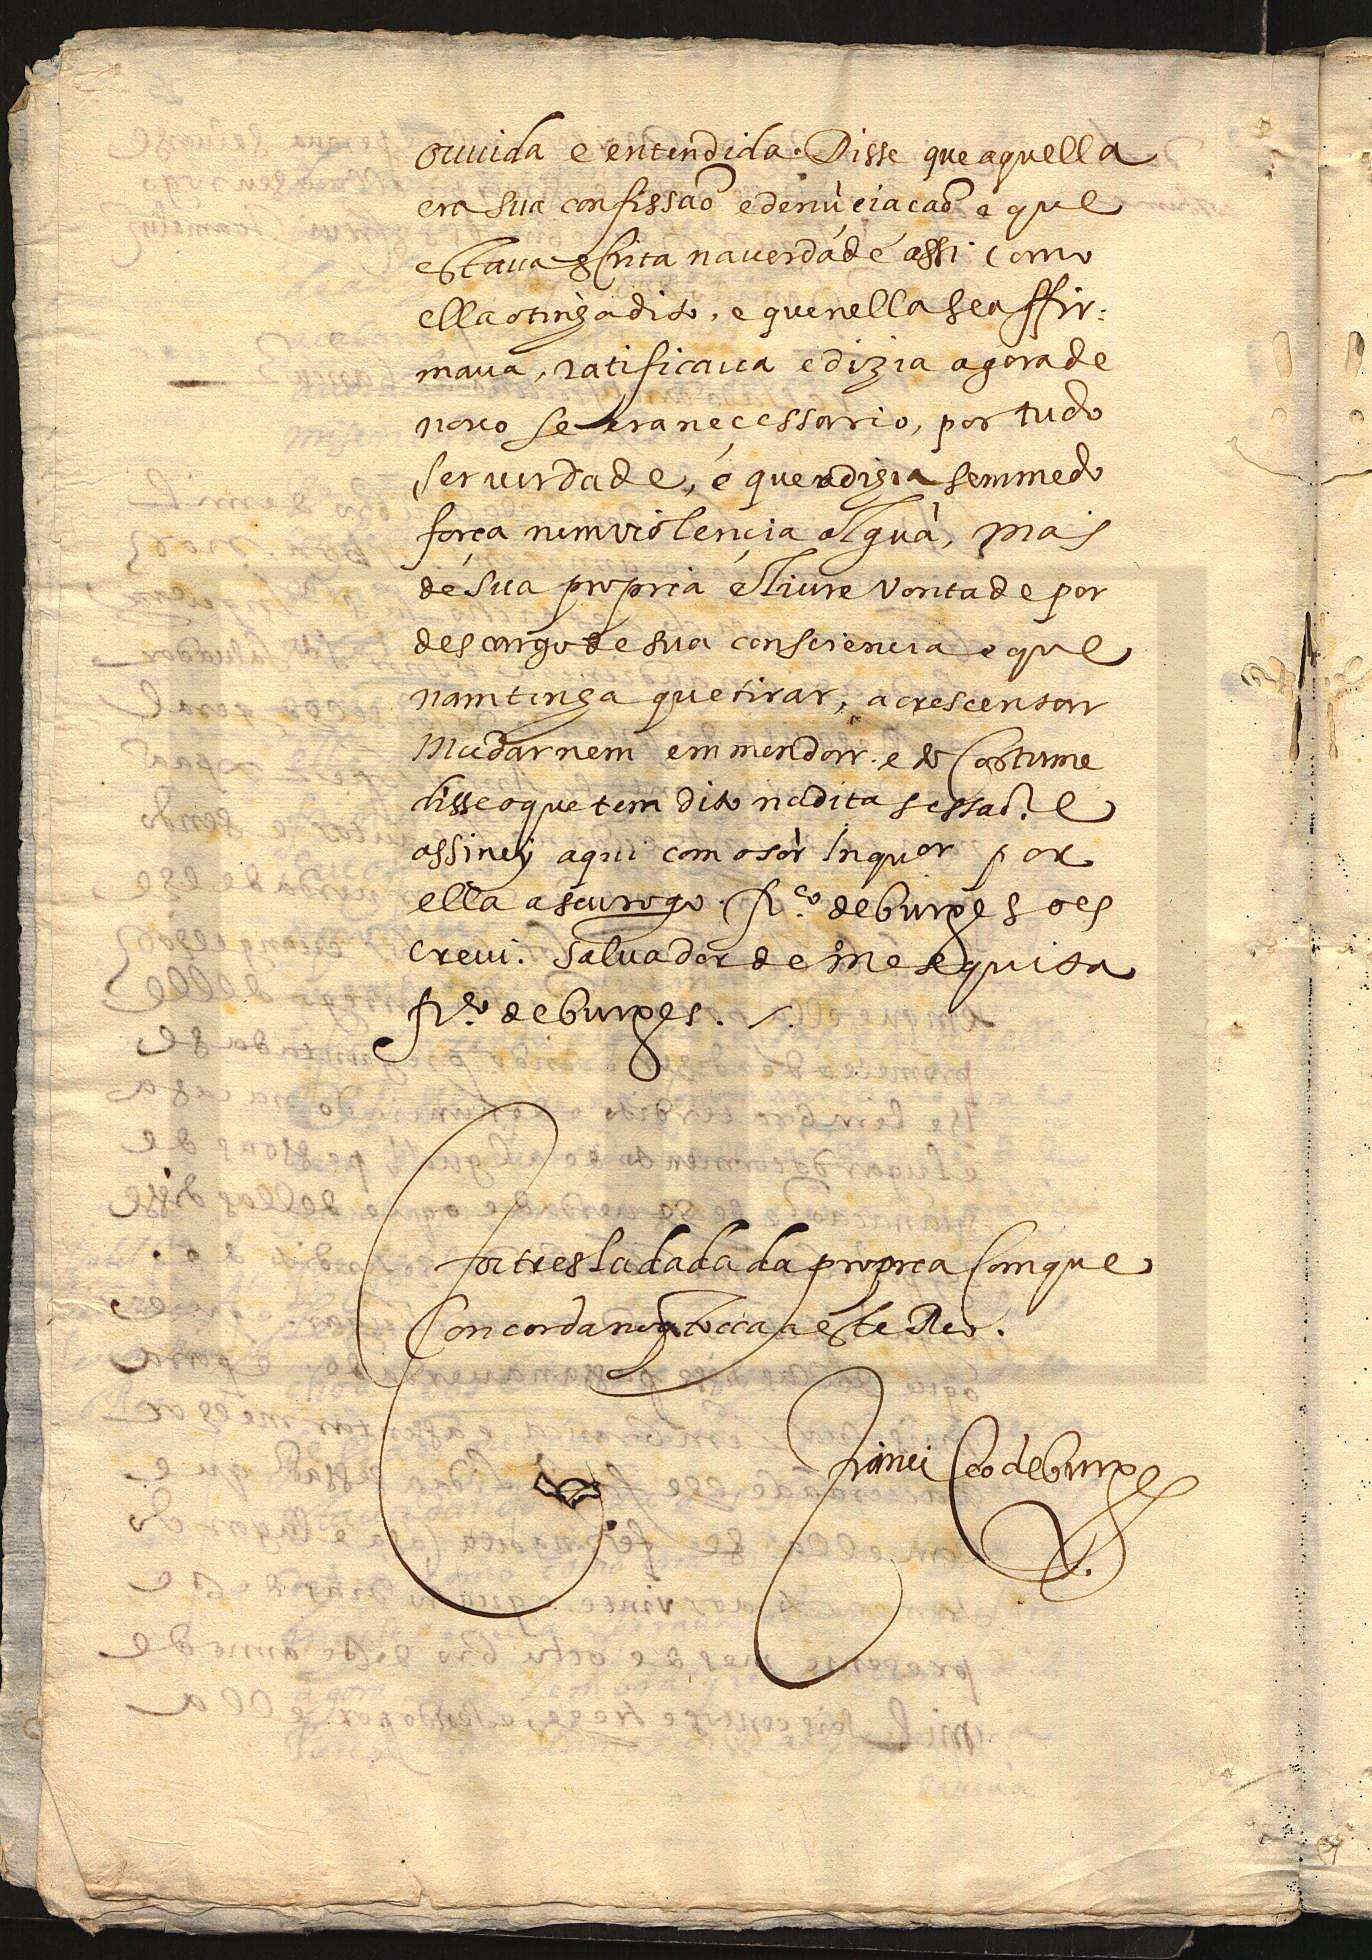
ouuida e entendida. Disse que aquella
era sua confissão e denūciaçaõ e que
estaua esCrita na uerdade assi como
ella o tinha dito, e que nella se affir
maua, ratificaua e dizia agora de
nouo so era necessario, por tudo
ser uerdade, e que o dizia sem medo
força nem violencia alguā mas
de sua propria e Liure vontade por
descargo de sua consciencia o que
nam tinha que tirar, acrescentar
mudar nem emmendar e do Costume
disse o que tem dito na dita sessaõ e
assiney aqui com o sōr Inquor por
ella a seu rogo frco de burges o es
creui Saluador de mesquita
frco de burges.
Foi tresladada da propria Com que
Concorda no que toca a este Reo.
